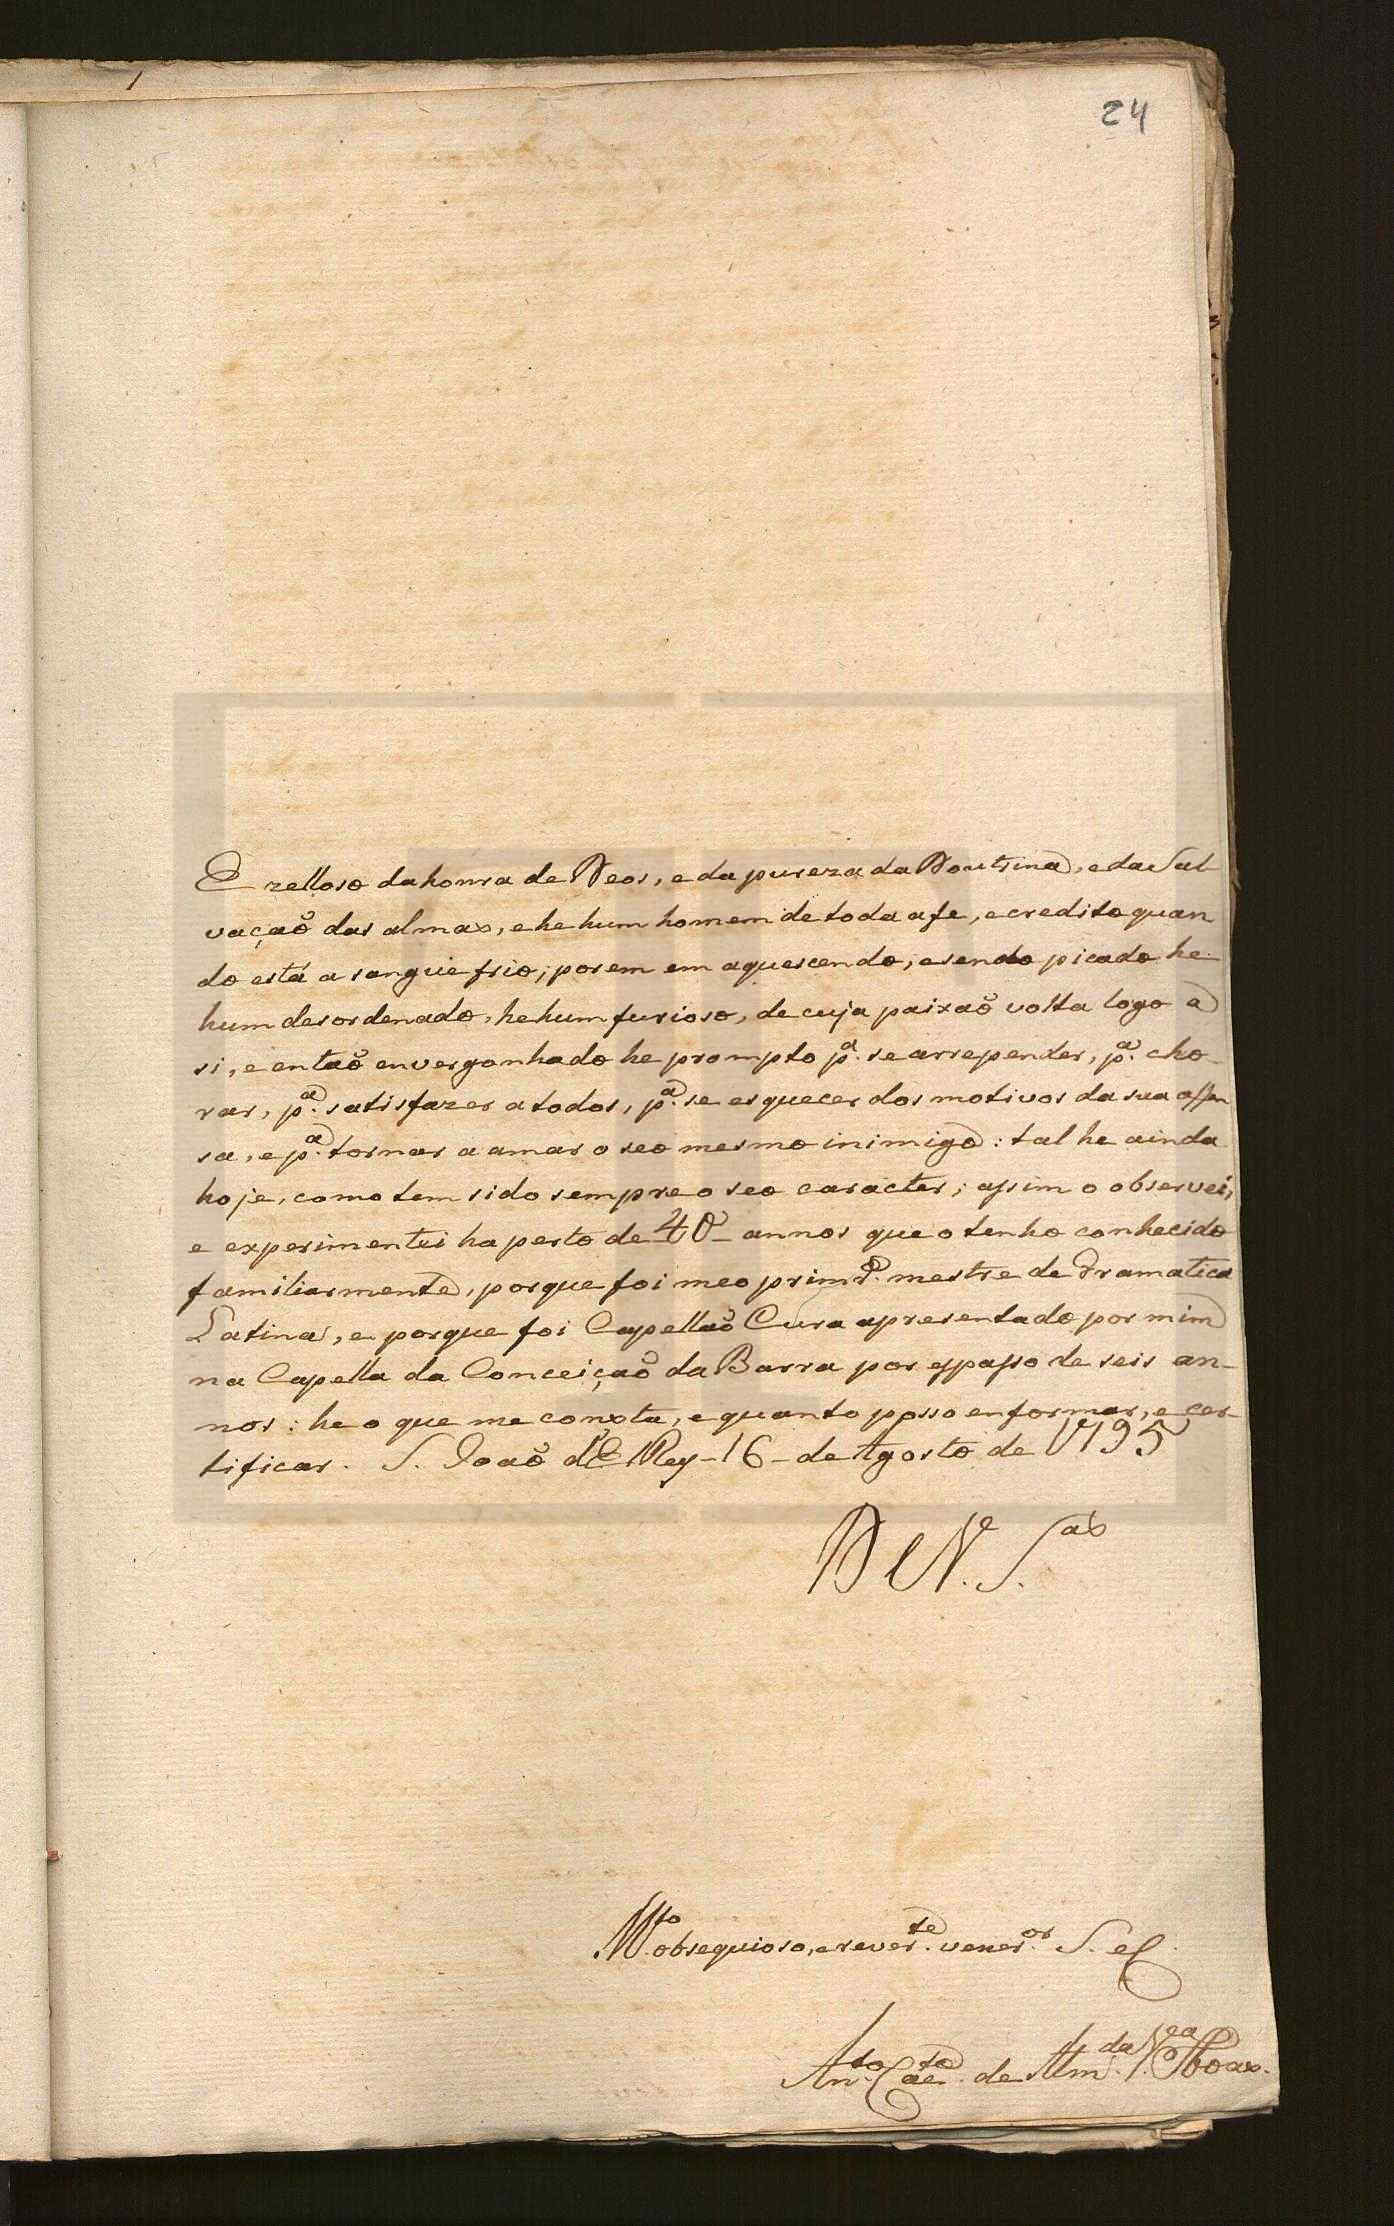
E zelloso da honra de Deos, e da pureza da Doutrina, e da Sal
vaçaõ das almas, e he hum homem de toda a fe, e acredita quan
do está a sangue frio; porem em aquescendo, e sendo picado he
hum desordenado, he hum furioso, de cuja paixaõ volta logo a
si, e entaõ envergonhado he prompto p.a se arrepender, p.a cho
rar, p.a satisfazer a todos, p.a se esquecer dos motivos da sua offen
sa, e p.a tornar a amar o seo mesmo inimigo: tal he ainda
hoje, como tem sido sempre o seo caracter; assim o observei,
e experimentei ha perto de - 40 annos - que o tenho conhecido
familiarmente, porque foi meo primeir.o mestre de Gramatica
Latina, e porque foi Capellaõ Cura apresentado por mim
na Capella da Conceiçaõ da Barra por espasso de seis an
nos: he o que me consta. E quanto posso enformar, e cer
tificar. S. Ioaõ d´El Rey - 16 - de Agosto de 1795
De V. S.as
M.to obsequioso, e rever.te vener.or S. e C
An.to Caeto. de Alm.da V.a Boas
